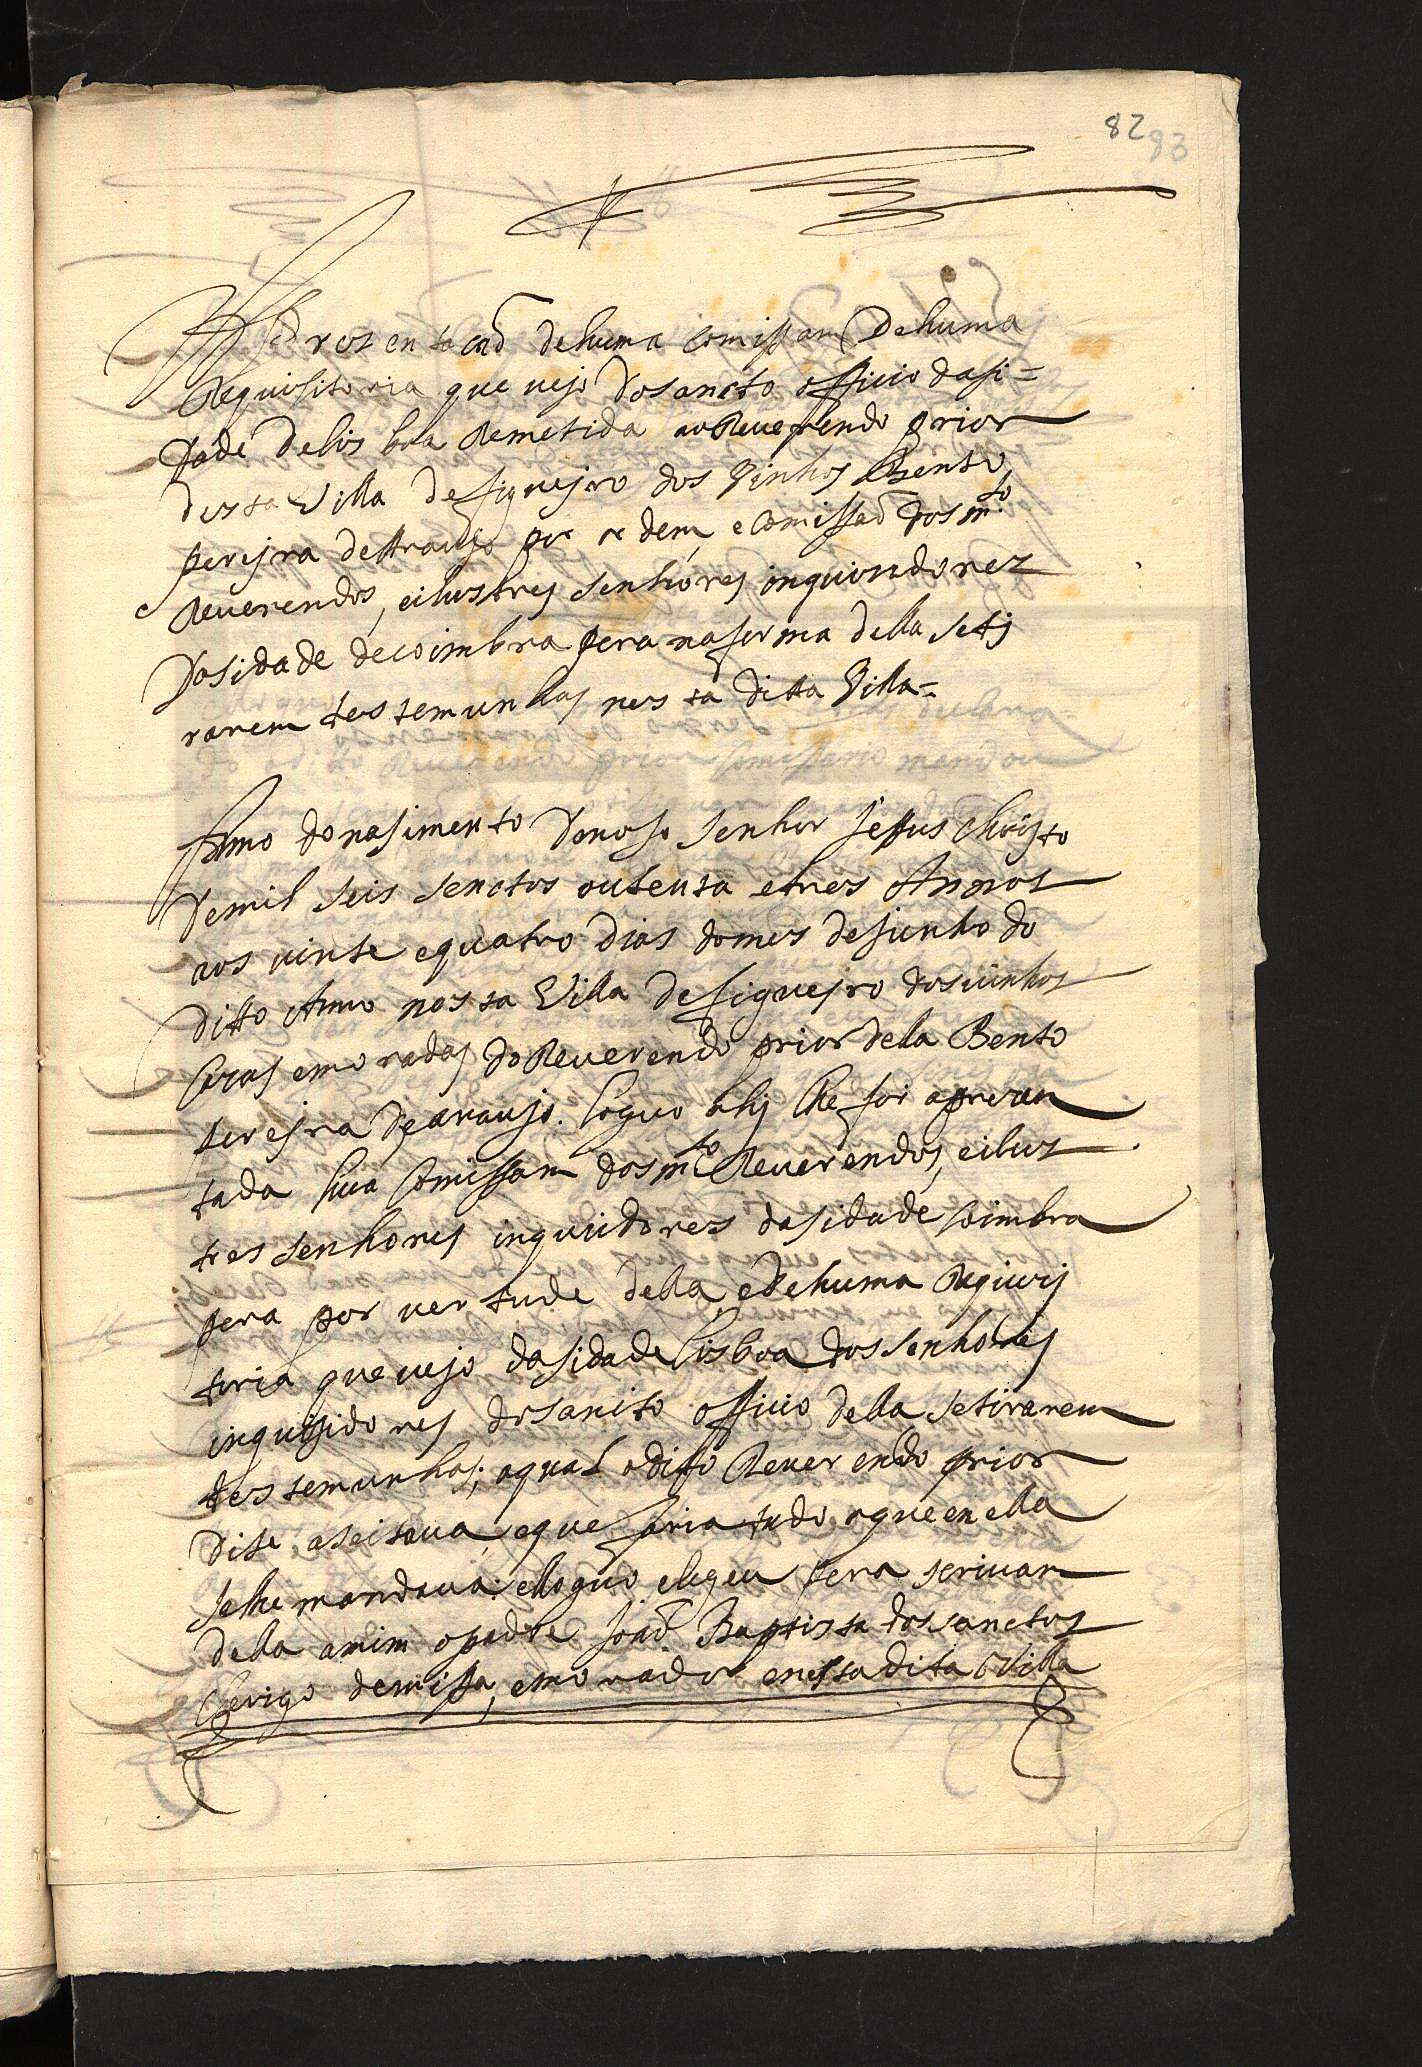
Aprezentaçaõ de huma comissam De huma
Requisitoria que uejo do sancto officio da si
dade de lisboa Remetida ao Reuerendo prior
desta Villa de figuejro dos Vinhos Bento
perejra de Araujo por ordem e comissaõ dos m.to
Reuerendos, e ilustres senhores inquisidorez
Da sidade de coimbra pera na forma della se tj
rarem testemunhas nesta ditta Villa
Anno do nasimento Do noso Senhor Jessus Christo
De mil seissenctos outenta e tres Annos
aos uinte e quatro dias do mes de Junho do
ditto Anno nesta Villa de figuejro dos uinhos
Cazas e moradas do Reuerendo prior della Bento
perejra de araujo. loguo ahj lhe foi aprezen
tada huā Comissam dos mto Reuerendos, e ilus
tres senhores inqusidores da sidade Coimbra
pera por uertude della e de huma Requizi
toria que uejo da sidade lisboa dos senhores
inquisidores do sancto officio della se tirarem
testemunhas; a qual o ditto Reuerendo prior
dise aseitaua o que faria tudo o que en ella
se lhe mandaua e lloguo elegeu pera scriuam
della a mim o padre joaõ Baptista dos sanctos
Clerigo de missa, e morador e nesta dita Villa
